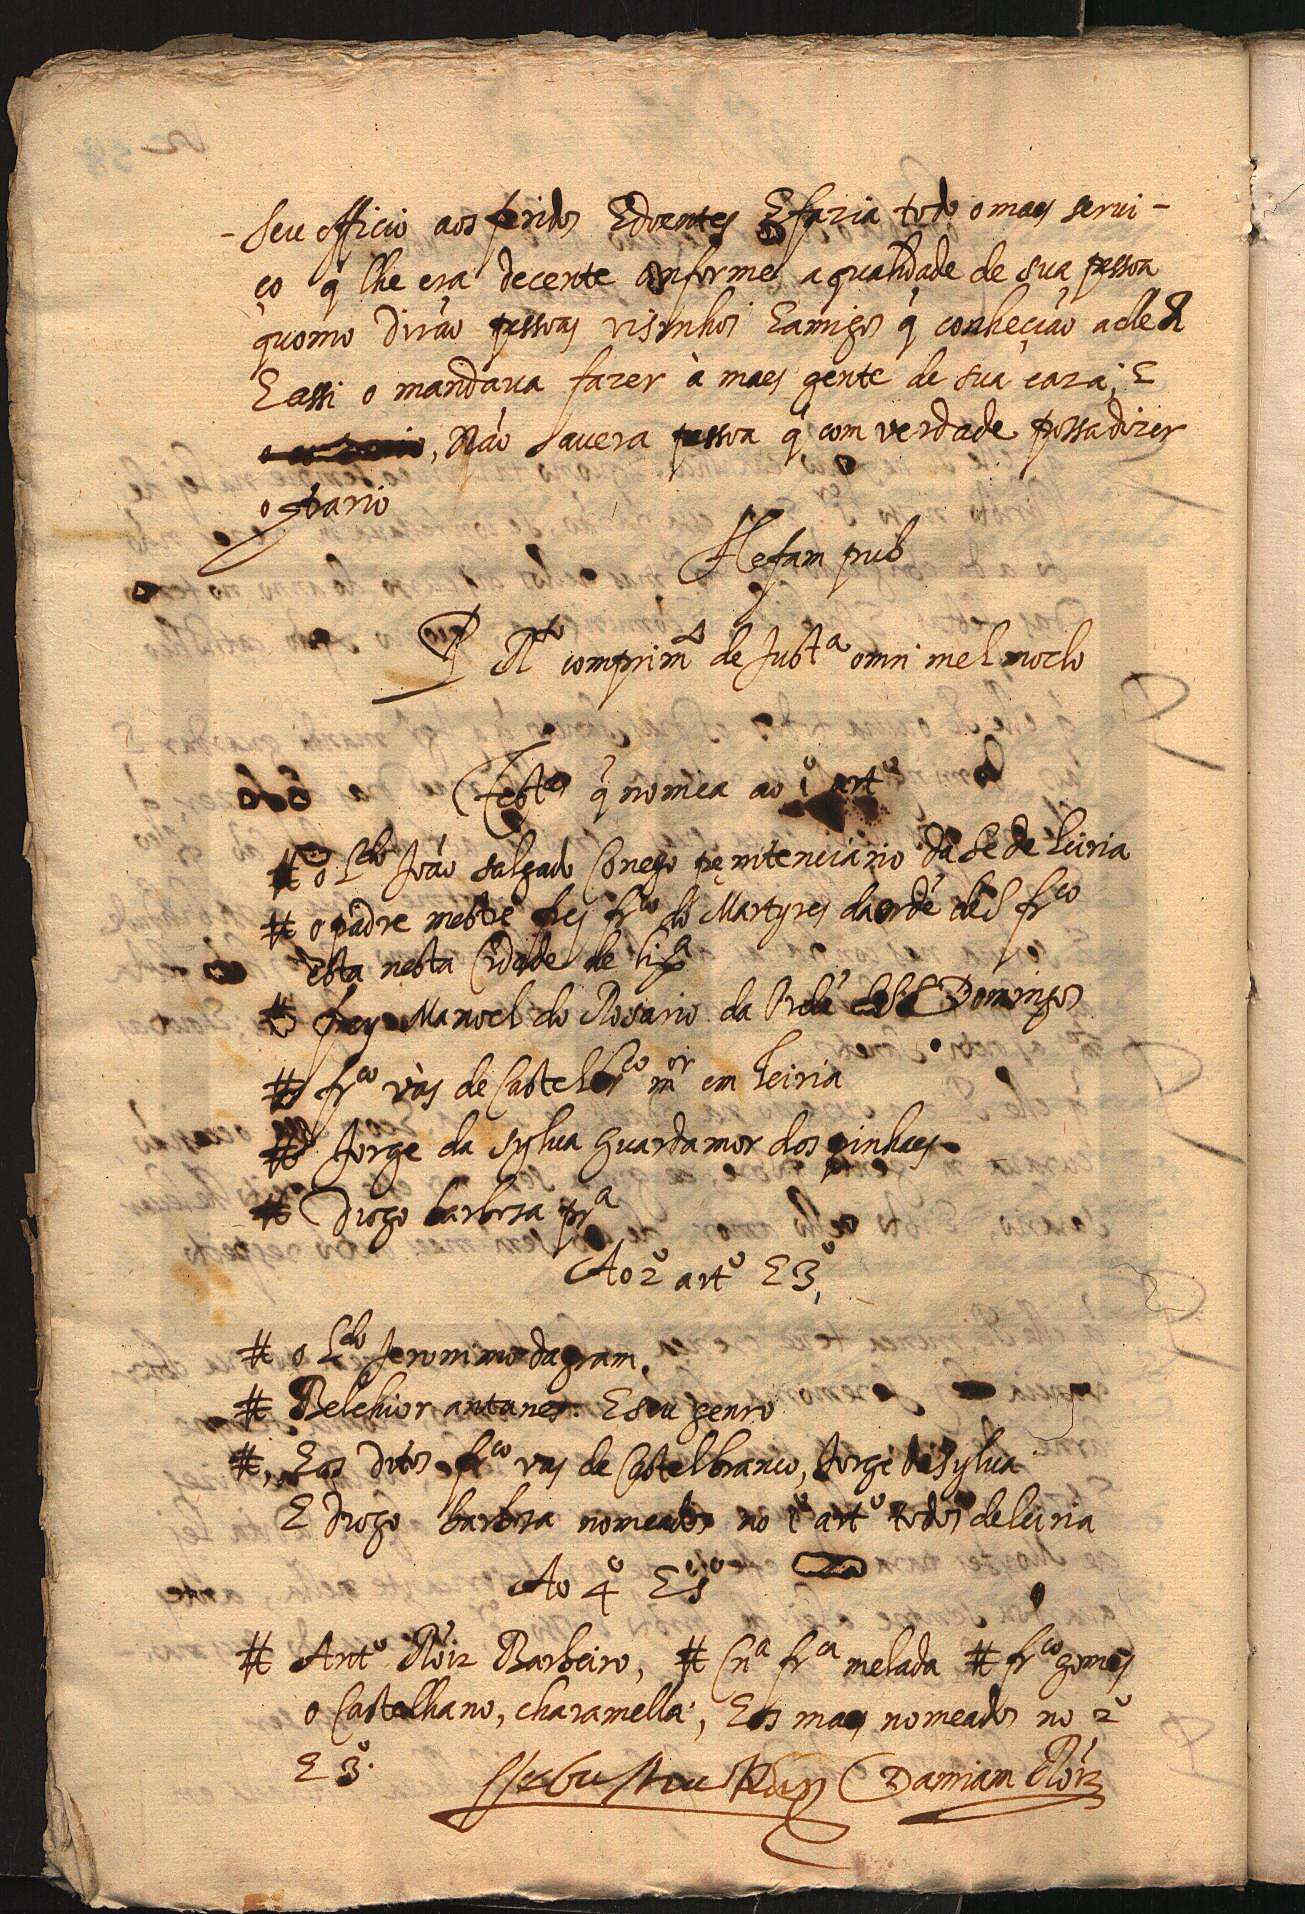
Seu officio aos feridos E doentes E fazia todo o maes serui
ço q̄ lhe era decente conforme a qualidade de sua pessoa
quomo dirão pessoas visinhos E amigos q̄ conheçião a elle R
E assi o mandaua fazer a maes gente de sua caza; E
_, não auera pessoa q̄ com verdade possa dizer
o ꝯtrario
He fam pub
P Rto comprimto de Justa omni mel modo
Testas q̄ nomea ao 1o arto
# o Ldo João salgado Conego penitenciario da Se de Leiria
# o padre meste frej frco do Martyres da ordē de S frco
esta nesta Cidade de lixa
# frey Manoel do Rosario da Ordē de S Domingos
# frco vas de Castel brco mor em Leiria
# Jorge da Sylua guarda mor dos pinhaes
# diogo barboza pra
Ao 2o arto E 3o
# o L.do Jeromimo da gram
# Belchior antunes. E seu genro
# E os ditos fr.co vas de Castel branco, Iorge da Sylua
E diogo barboza nomeados no 1o arto todos de leiria
Ao 4o E 5o
# Anto Rōiz Barbeiro, # Cna frca melada # frco gomes
o Castelhano, charamella; E os ma_s nomeados no 2o
E 3o.
